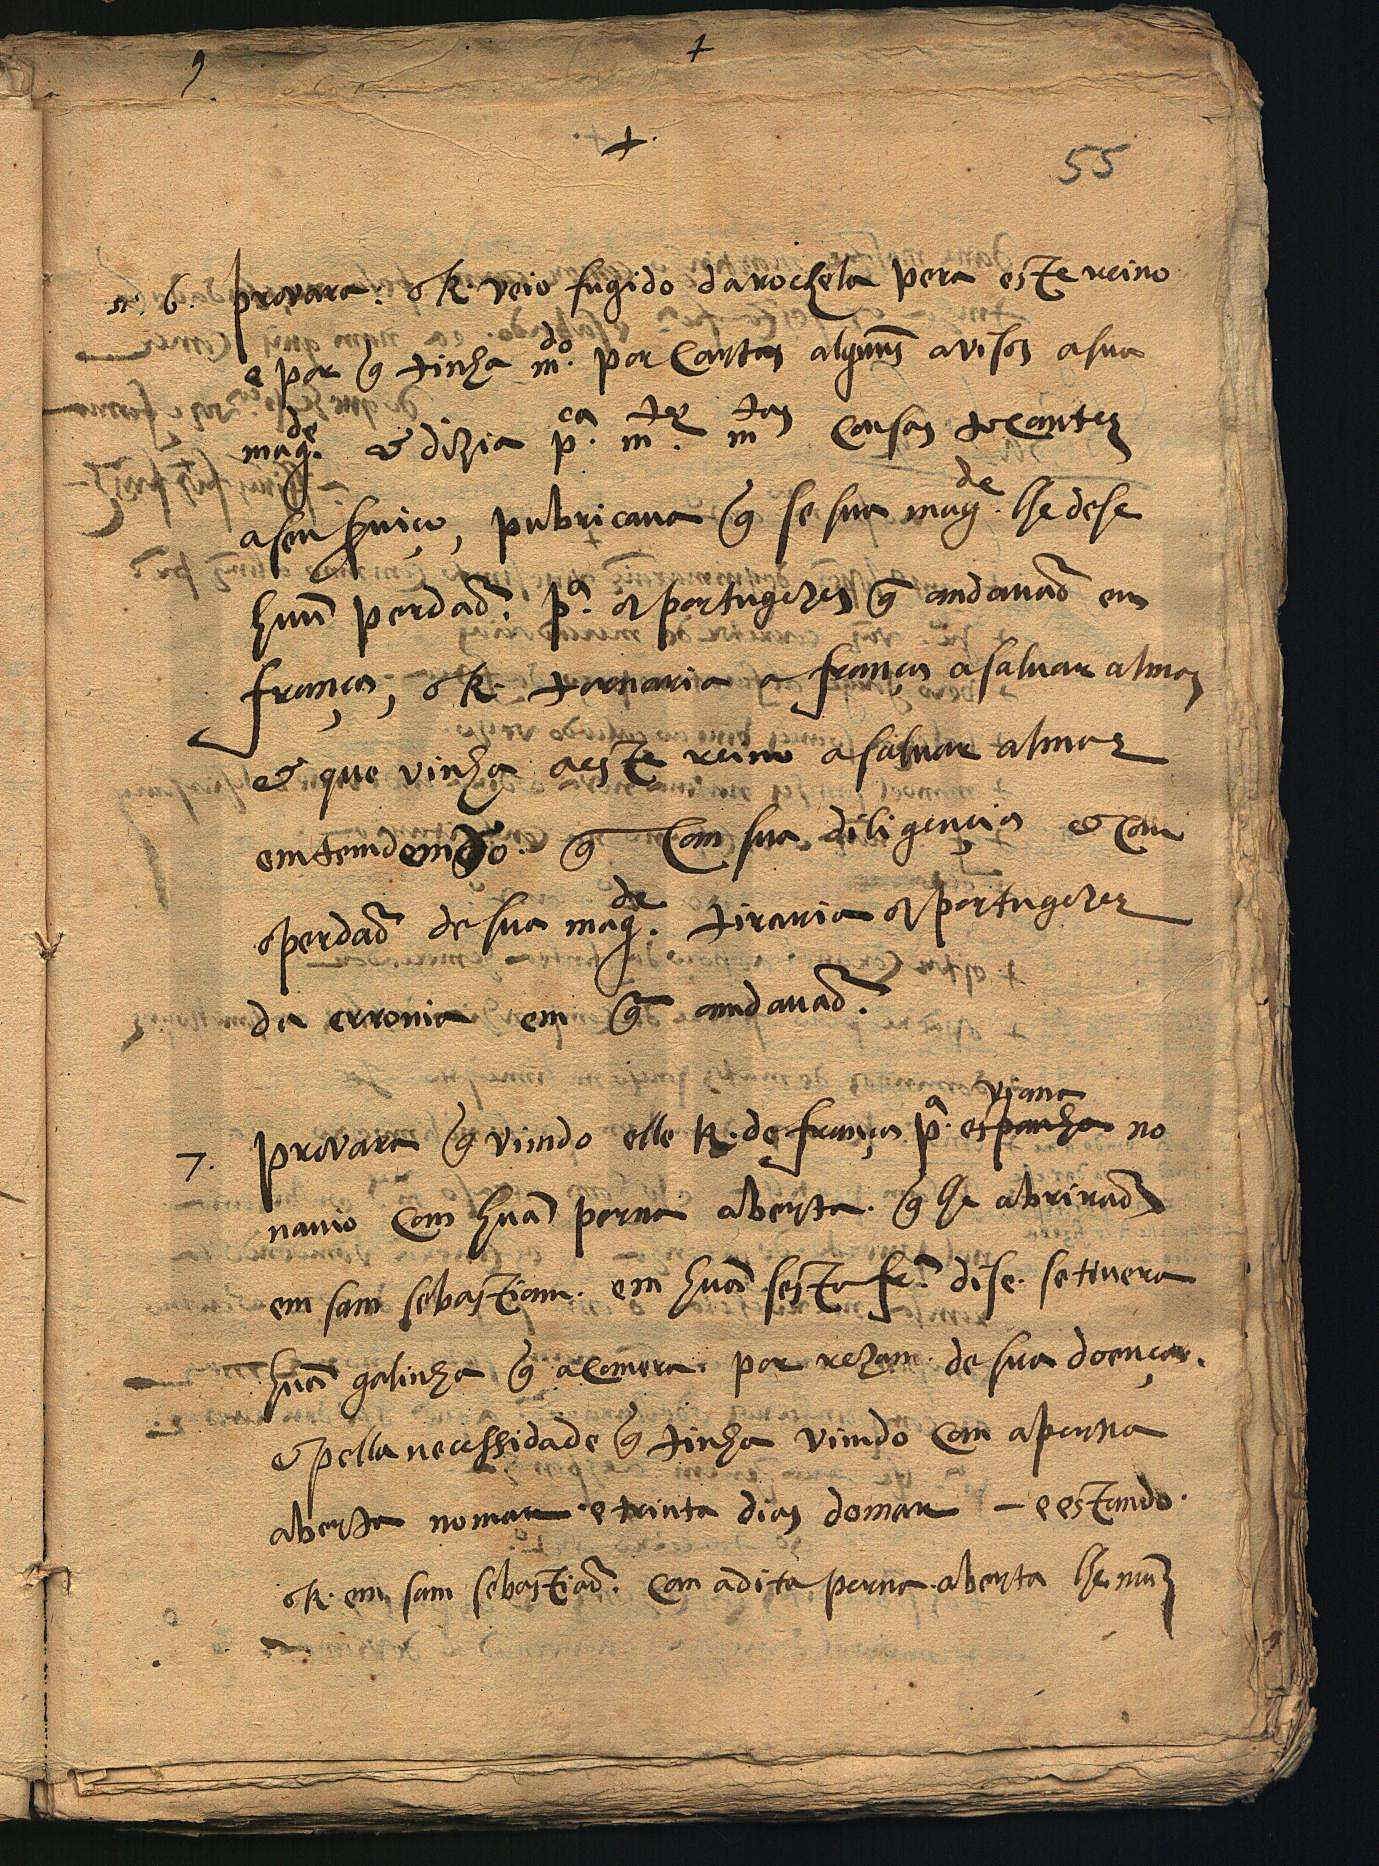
6. prouara o Re veio fugido da rochela pera este reino
e porq̄ tinha mdo. por Carta alguūs avisos a sua
mag.de & dizia pca.mte mtas Cousas tocantes
a seu ꞩuiço, pubricaua q̄ se sua mag.de lhe dese
huū perdão p.a os portugezes q̄ andauão em
frança, o R. tornaria a frança a saluar almas
& que vinha a este reino a saluar almas
emtemdemdo q̄ Com sua diligencia & Com
o perdão de sua mag.de tiraria os portugezes
da erronia em q̄ andauão.
viana
7. Provara q̄ vimdo elle R. de frança pa espanha no
nauio Com huā perna aberta q̄ he abrirão
em sam sebastiam em huā sesta fra. dise. se tiuera
huā galinha q̄ a Comera por rezam de sua doença.
e pella necessidade q̄ tinha vimdo Com a perna
aberta no mar e trinta dias do mar — e estando
o R. em sam sebastião Com a dita perna aberta lhe mā
